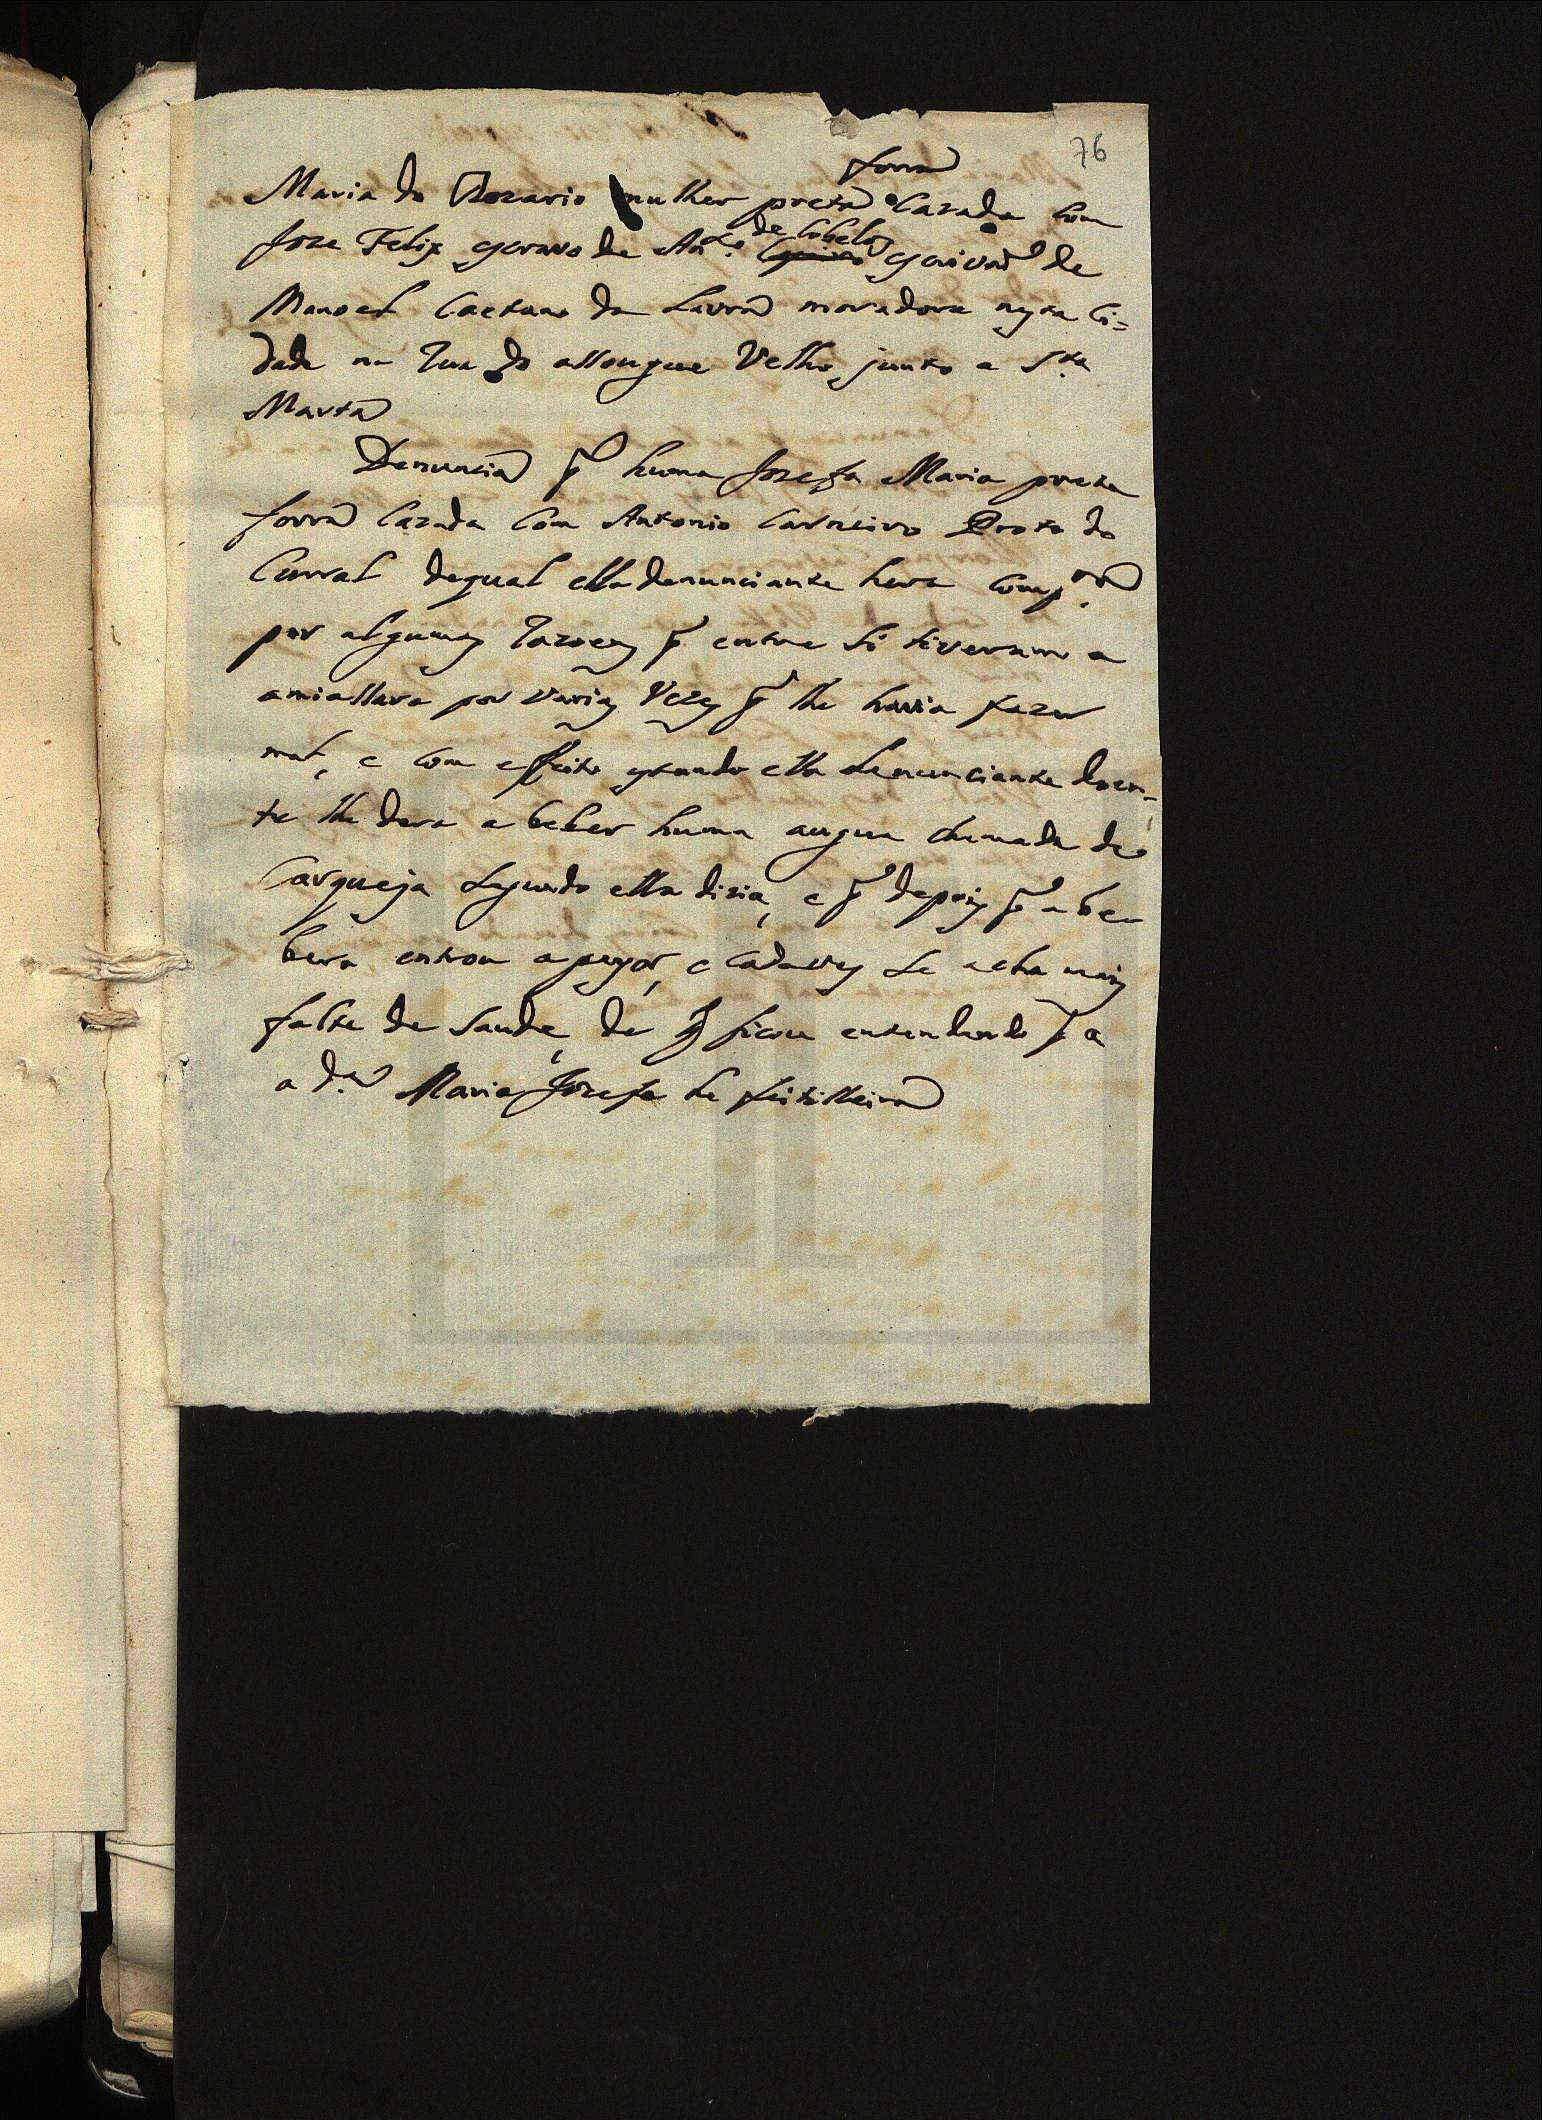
forra
Maria do Rozario mulher preta cazada com
Joze Felix escravo de An.to. de Cobelos escrivaõ de
Manoel Caetano da Lavra moradora nesta Ci
dade na Rua do assougue Velho junto a S.ta
Marta
Denuncia q̄ huma Jozefa Maria preta
forra Cazada Com Antonio Carneiro Preto do
Curral de qual ella denunciante hera comp.ra
por algumas Razoens q̄ entre si tiveram a
amiassara por varias Vezes q̄ lhe havia fazer
mal, e com effeito estando ella denunciante doen
te lhe dera a beber huma augua chamada de
Carqueja segundo ella dizia, e q̄ depois q̄ a be
bera entrou a peyor, e cada ves se acha mais
falta de saude de q̄ ficou entendendo q̄ a
a d.a Maria Jozefa he feitisseira
